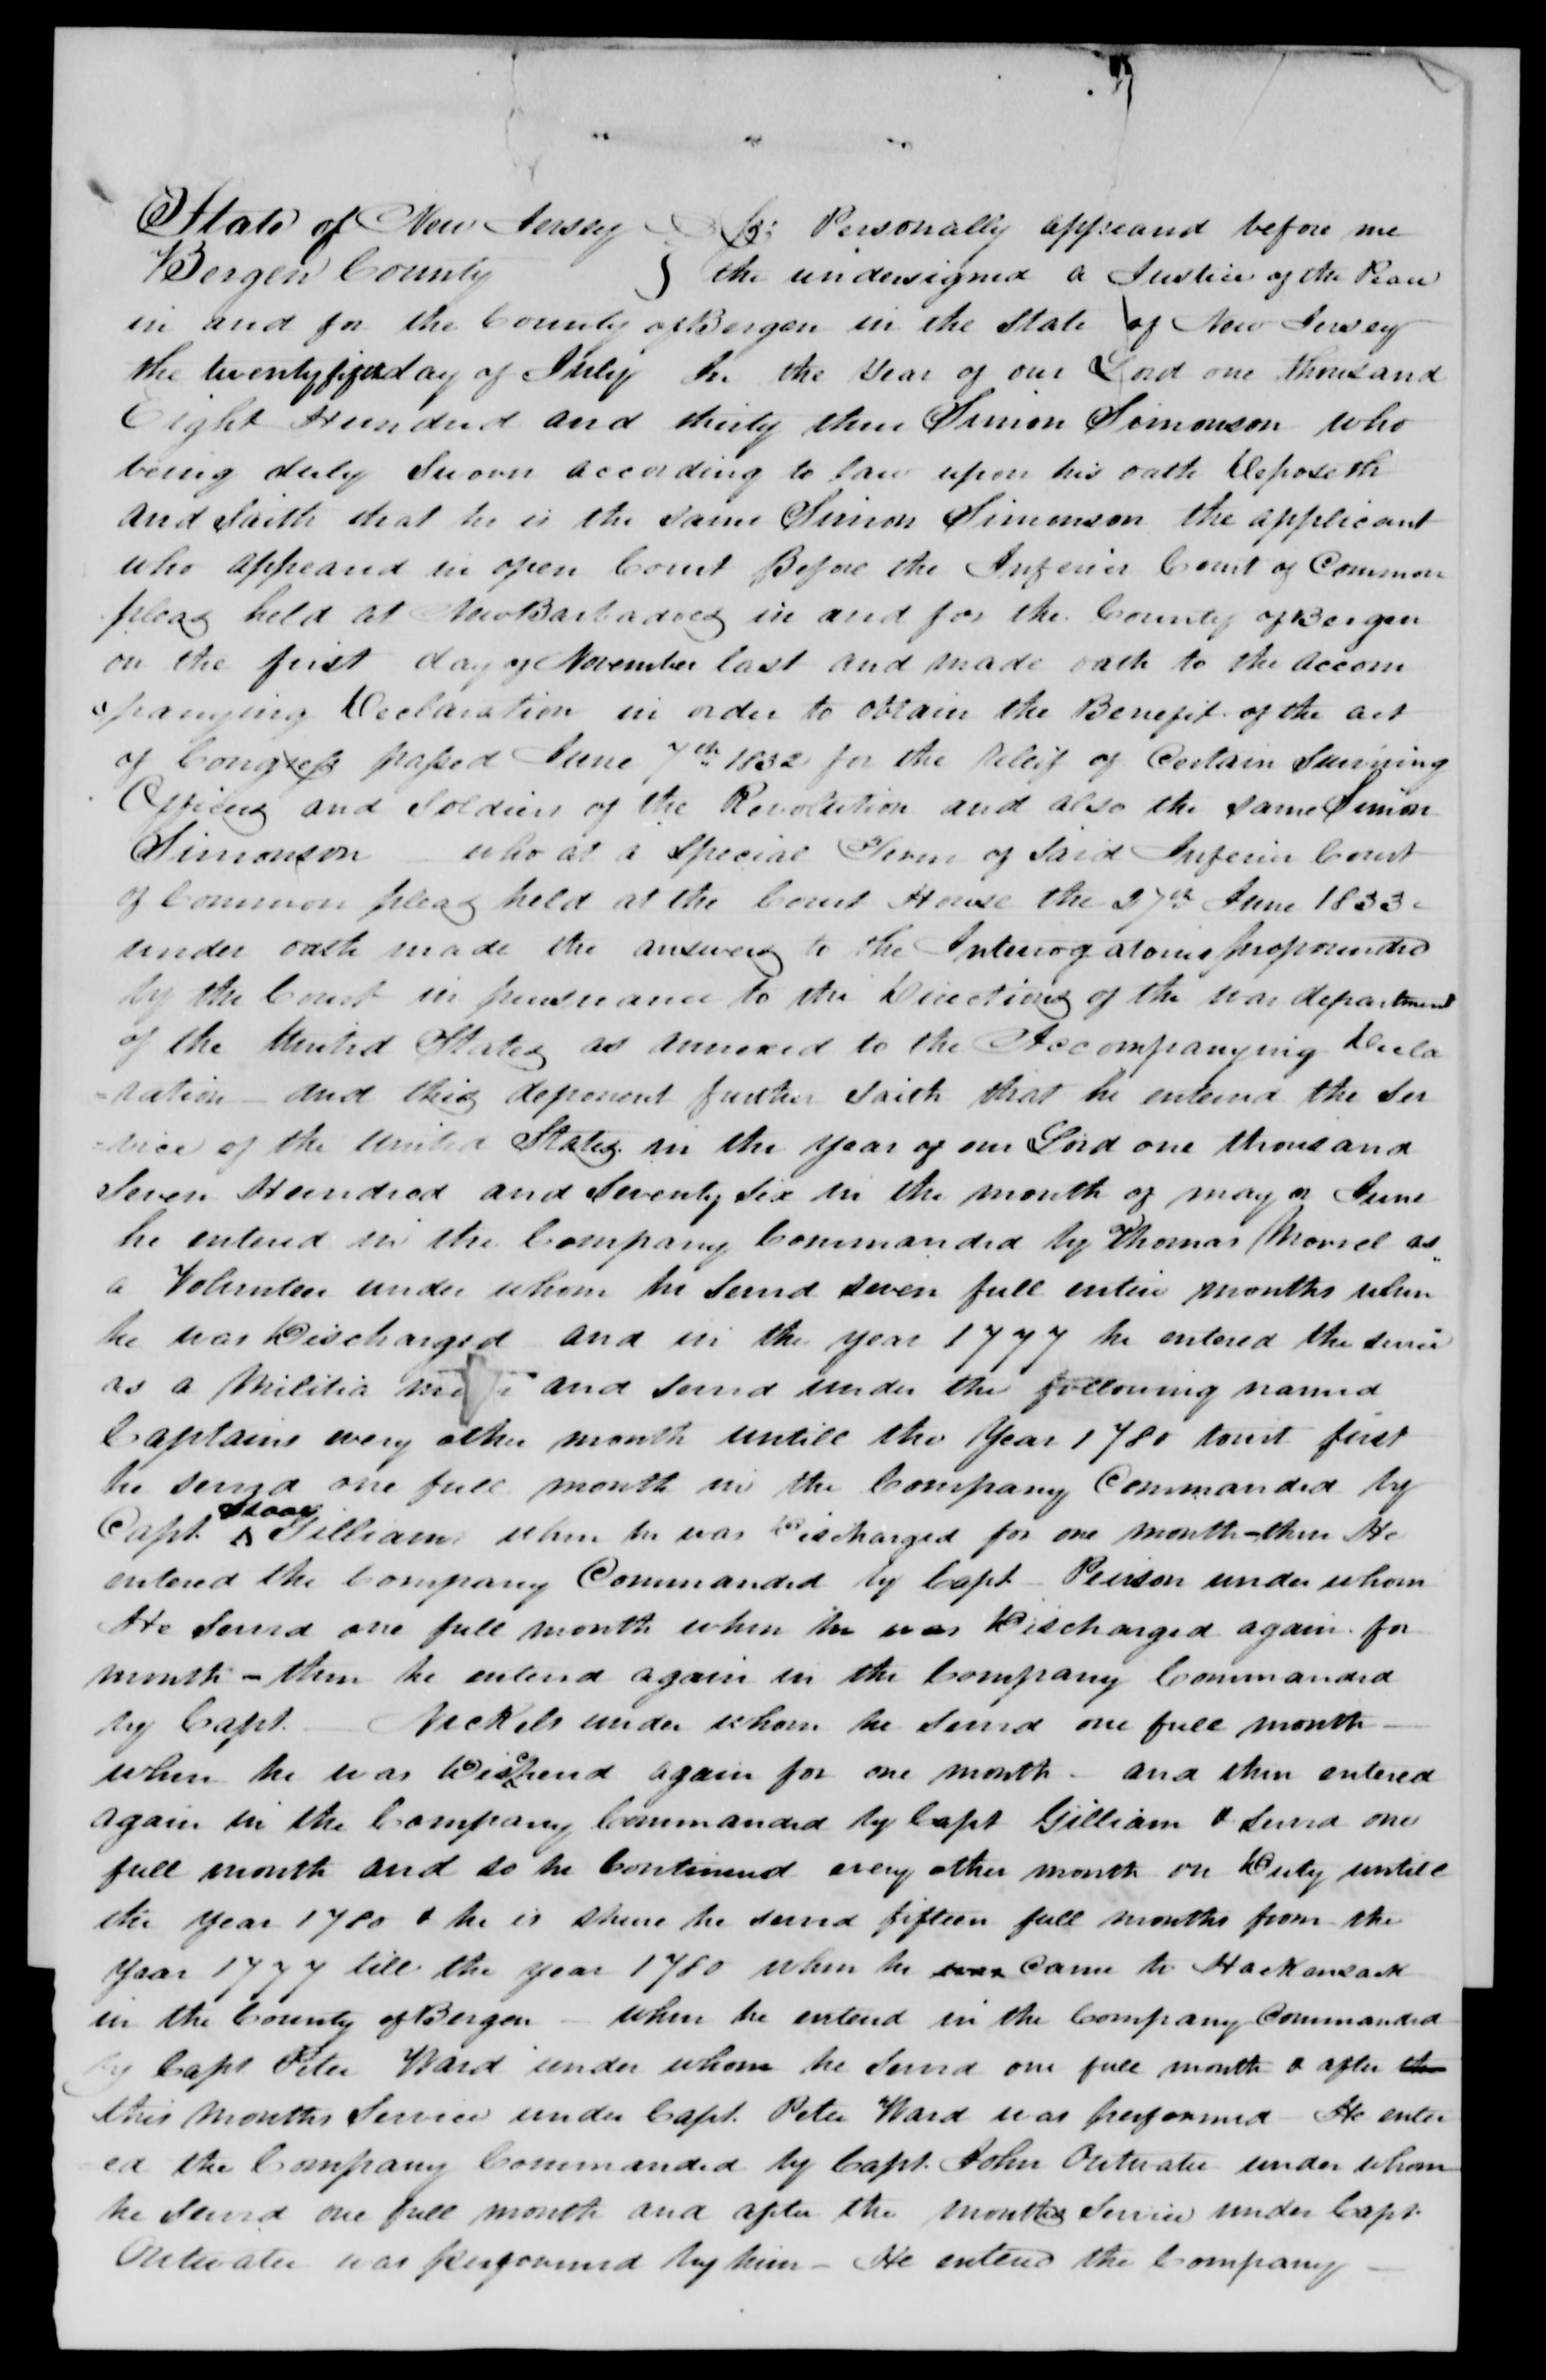State of New Jersey Bergen County[   ]; Personally appeared before me the undersigned a Justice of the Peace in and for the County of Bergen in the State of New Jersey the twenty fifth day of July in the year of our Lord one thousand Eight Hundred and thirty three Simon Simmonson who being duly sworn according to law upon his oath Deposeth and Saith that he is the same Simon Simmonson the applicant who appeared in open Court before the Inferior Court of Common Pleas held at the Court House the 27th June 1833 under oath made the answers to the Interrogations [proporunded] by the Court in pursuance to the Directing of the War Department of the United States as annexed to the Accompanying  declaration and this deponent further saith that he entered the Service of the United States in the year of our Lord one thousand Seven Hundred and Seventy Six in the month of May or June he entered in the Company Commanded by Thomas Moriel as a Volunteer under whom he served seven full entire months when he was discharged and in he year 1777 he entered the service as a Militia [blurred]and served under the following named Captains every other month until the year 1781 [     ] first he served one full month in the Company Commanded by Capt. [    ] Gilliam when he was discharged for one month --then he entered the company Commanded by Capt. [Penson] under whom He served one full month when he was discharged again for month--then he entered again in the company commanded by Capt. Nickels under whom he served one full month--when he was discharged again for one month--and then entered again in the Company Commanded by Capt. Gilliam and served one full month and so he continued every other month on duly until the year 1780 + he is shure he served fifteen full months from the year 1777 till the year 1780 when he came to Hackensack in the County of Bergen--when he entered in the Company commanded by Capt. Peter Ward under whom he served one full month and after this month's Service under Capt. Peter Ward was performed He enterd the Company Commanded by Capt. John Outwater under whom he served one full month and after the month's service under Cap[t. Outwater was performed by him--He entered the company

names: John Outwater; [BLANK] Nickels; Simon Simonson; [BLANK] Gilliam; Peter Ward; Isaac Gilliam; Simon Simonson; [BLANK] Peirson; [BLANK] Outwater; Simon Simonson; Peter Ward; Thomas Morrel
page: 3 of 30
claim: survivor's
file: S. 1104, for Simon Simonson, New Jersey